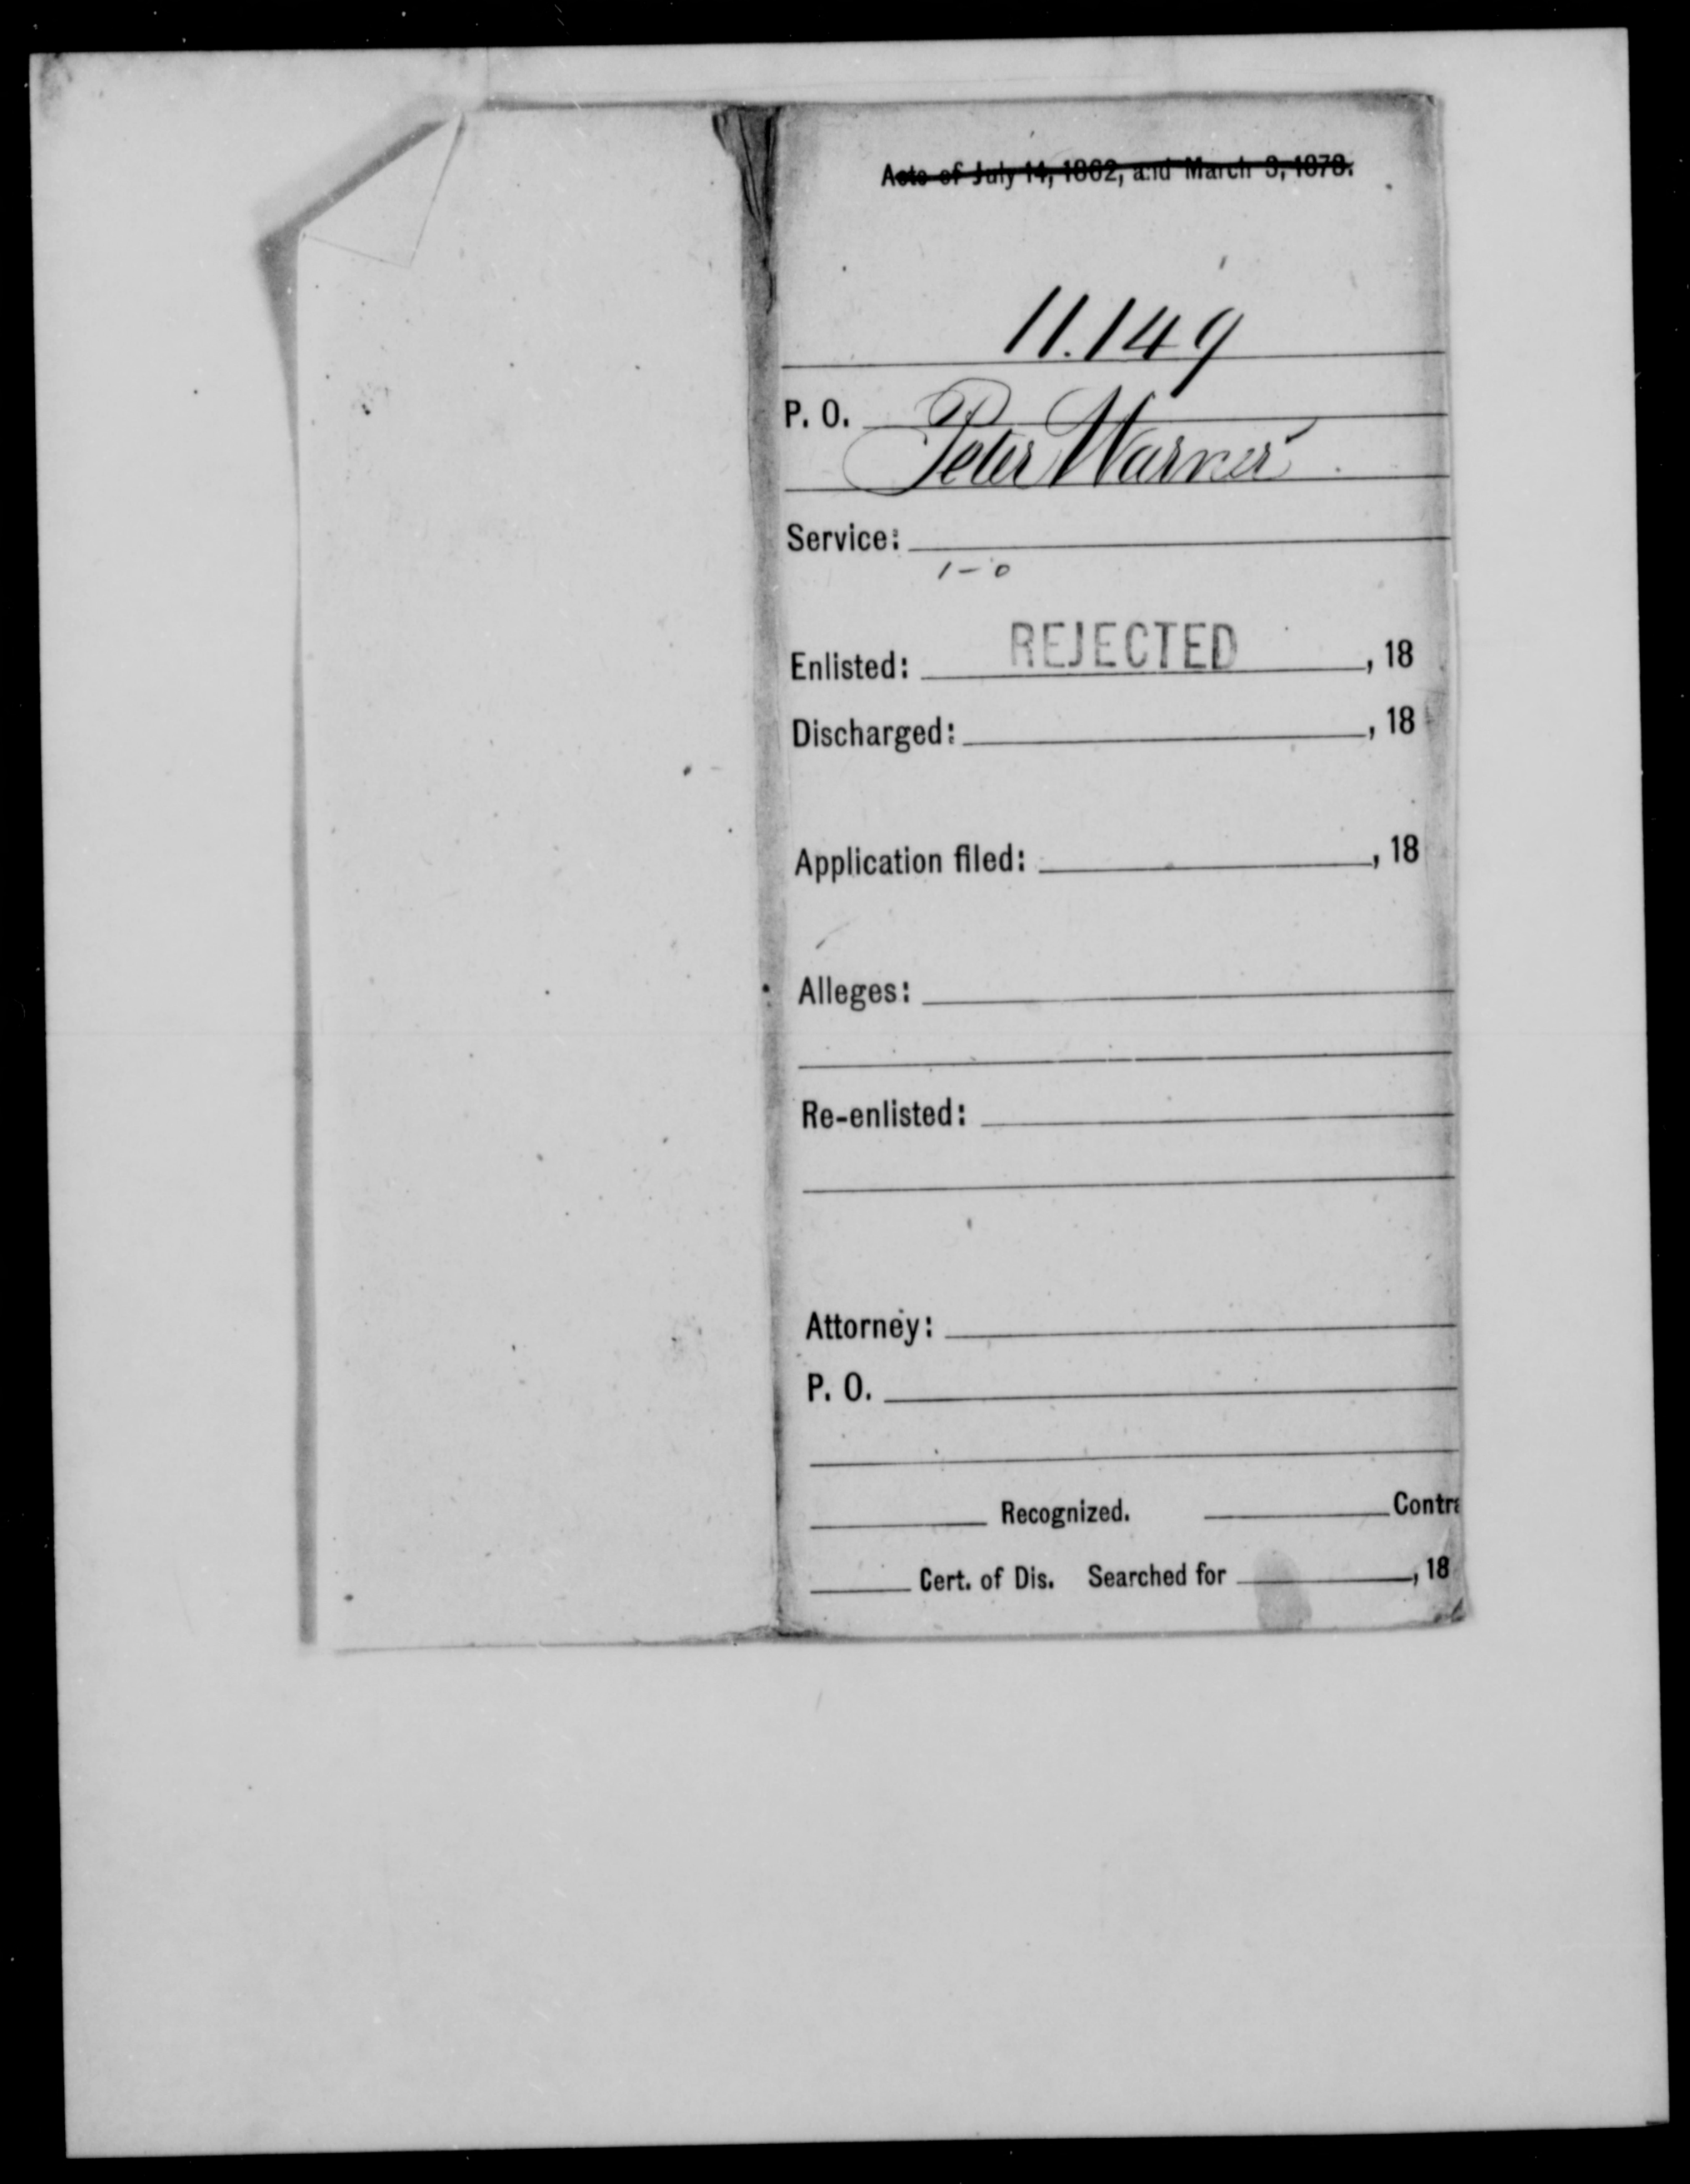[crossed out: Acts of July 14, 1862, and March 3, 1878.]

11.149
P.O. _____
Peter Warner
Service: _____
1-0
Enlisted: REJECTED, 18 __
Discharged: _____ , 18 __

Application filed: _____ , 18 __

Alleges: _____

Re-enlisted: _____

Attorney: _____
P.O. _____

_____ Recognized. _____ Contra[cut off here]
_____ Cert. of Dis. Searched for _____ , 18 __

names: Peter Warner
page: 11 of 14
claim: rejected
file: R 11149, Peter Worner, Md.